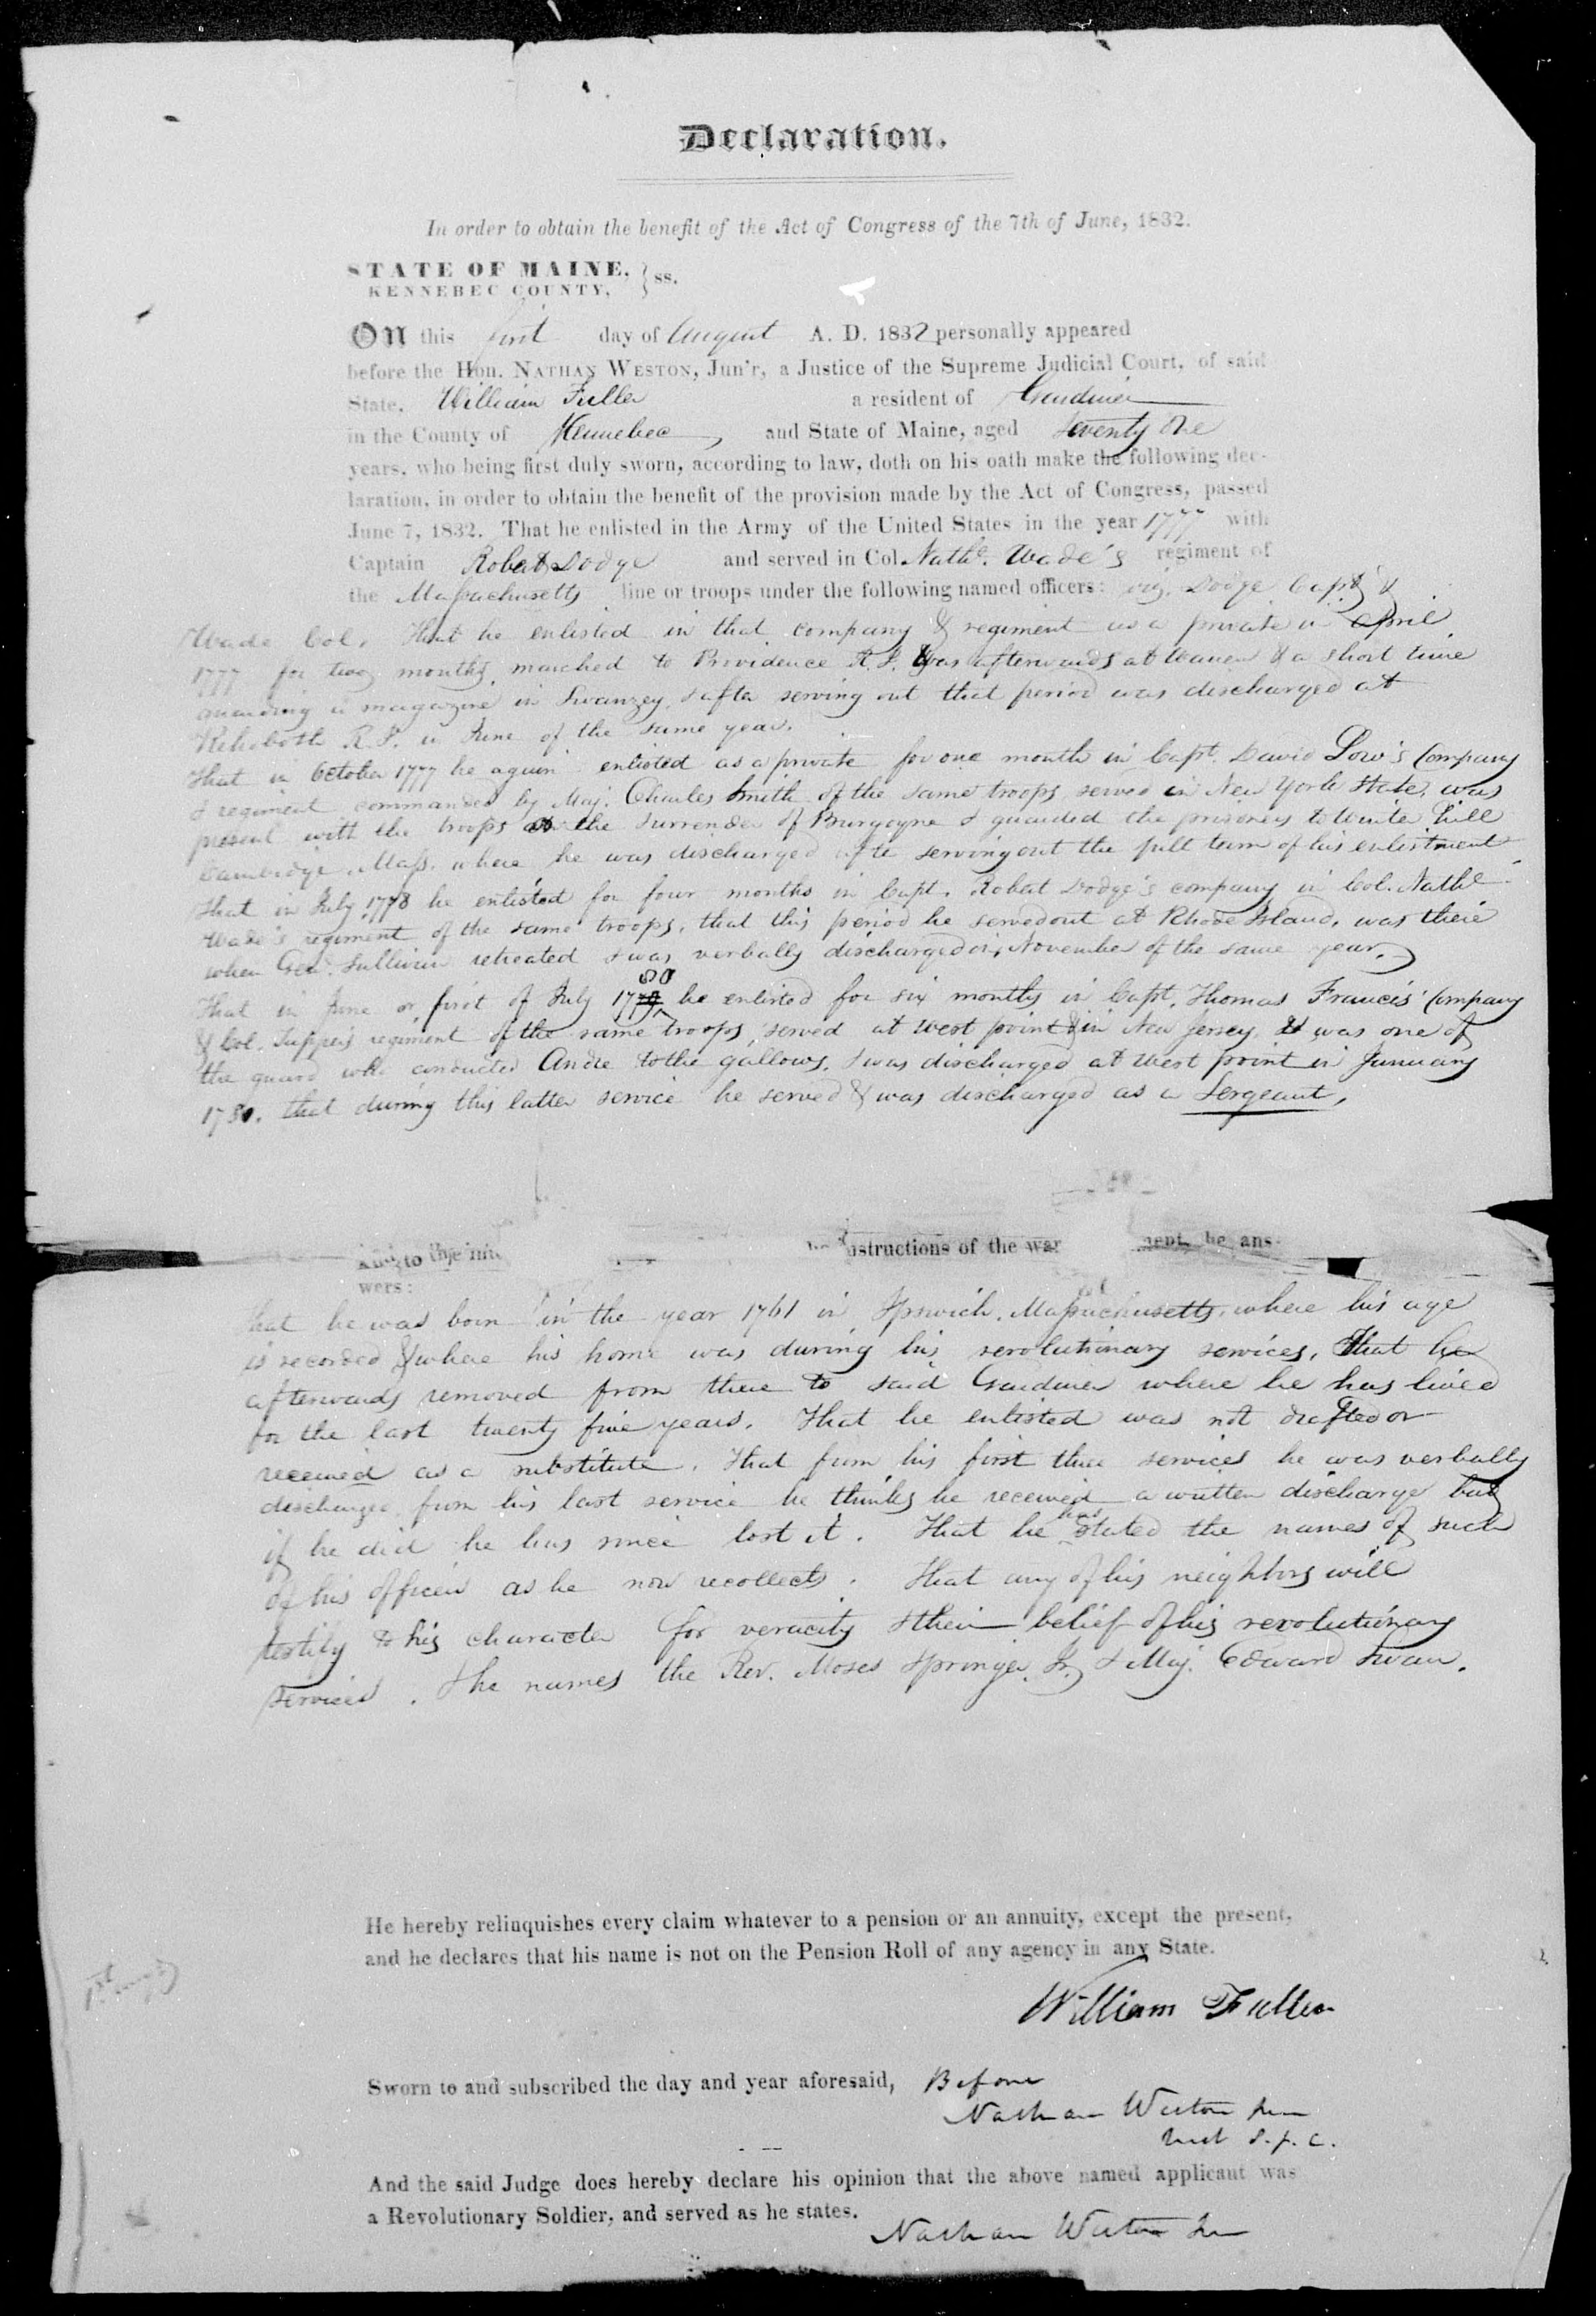Declaration.
In order to obtain the benefit of the Act of Congress of the 7th of June, 1832.
STATE OF MAINE.
KENNEBEC COUNTY,
}SS.
On this first day of August A.D. 1832 personally appeared before the Hon. NATHAN WESTON, Jun’r, a Justice of the Supreme Judicial Court, of said State, William Fuller a resident of Gardiner in the County of Kennebec and State of Maine, aged Seventy one years, who being first duly sworn, according to law, doth on his oath make the following declaration, in order to obtain the benefit of the provision made by the Act of Congress, passed June 7, 1832. That he enlisted in the Army of the United States in the year 1777 with Captain Robert Dodge and served in Col. Nathl. Wade’s regiment of the Massachusetts line or troops under the following named officers: viz. Dodge Capt & Wade Col. That he enlisted in that company & regiment as a private in April 1777 for two months, marched to Providence R.I. Was afterwards at Warren & a short time guarding a magazine in Swanzey & after serving out that period was discharged at Rehoboth R.I. in June of the same year.
That in October 1777 here again enlisted as a private for one month in captain David Low's Company & regiment commanded by Maj. Charles Smith of the same troops served in New York State, was present with the troops at the surrender of Burgoyne & guarded the prisoners to Winter hill Cambridge, Mass. where he was discharged after serving out the full term of his enlistment.
That in July 1778 he enlisted for four months in Capt. Robert Dodge’s company in Col. Nathl Wade's regiment of the same troops, that this period he served out at Rhode Island, was there when Genl. Sullivan retreated & was verbally discharged on November of the same year.
That in June or first day of July 1780 [crossed out: 79] he enlisted for six months in Capt. Thomas Francis’ Company & Co. Tupper’s regiment of the same troops, served at West Point & in New Jersey & was one of the guard who conducted Andre to the gallows, & was discharged at West Point in January 1780. That during this latter service he served & was discharged as a Sergeant.
That he was born in the year 1761 in Ipswich, Massachusetts, where his age is recorded & where his home was during his revolutionary services. That he afterwards removed from there to said Gardiner where he has lived for the last twenty five years. That he enlisted was not drafted or received as a substitute. That from his first three services he was verbally discharged from his last service he thinks he received a written discharge but if he did he has since lost it. That he had stated the names of his officers as he now recollects. That any of his neighbors will testify to his character for veracity & their belief of his revolutionary services, & he names the Rev. Moses Springer, Jr. & Maj. Edward Swan.
[added in margin: 1st August]
He hereby relinquishes every claim whatever to a pension or an annuity, except the present, and he declares that his name is not on the Pension Roll of any agency in any state.
William Fuller
Sworn to and subscribed the day and year aforesaid, Before
Nathan Weston Jr.
[illegible] S. J. C.
And the said Judge does hereby declare his opinion that the above named applicant was a Revolutionary Soldier, and served as he states.
Nathan Weston Jr.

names: William Fuller, Dodge, Nathan Weston, Ande, Edward Swan, William Fuller, Charles Smith, Sullivan, Robert Dodge, Nathan Weston, Moses Springer, Wade, Nathan Weston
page: 6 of 45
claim: widow's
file: W. 17933, William Fuller, Mass